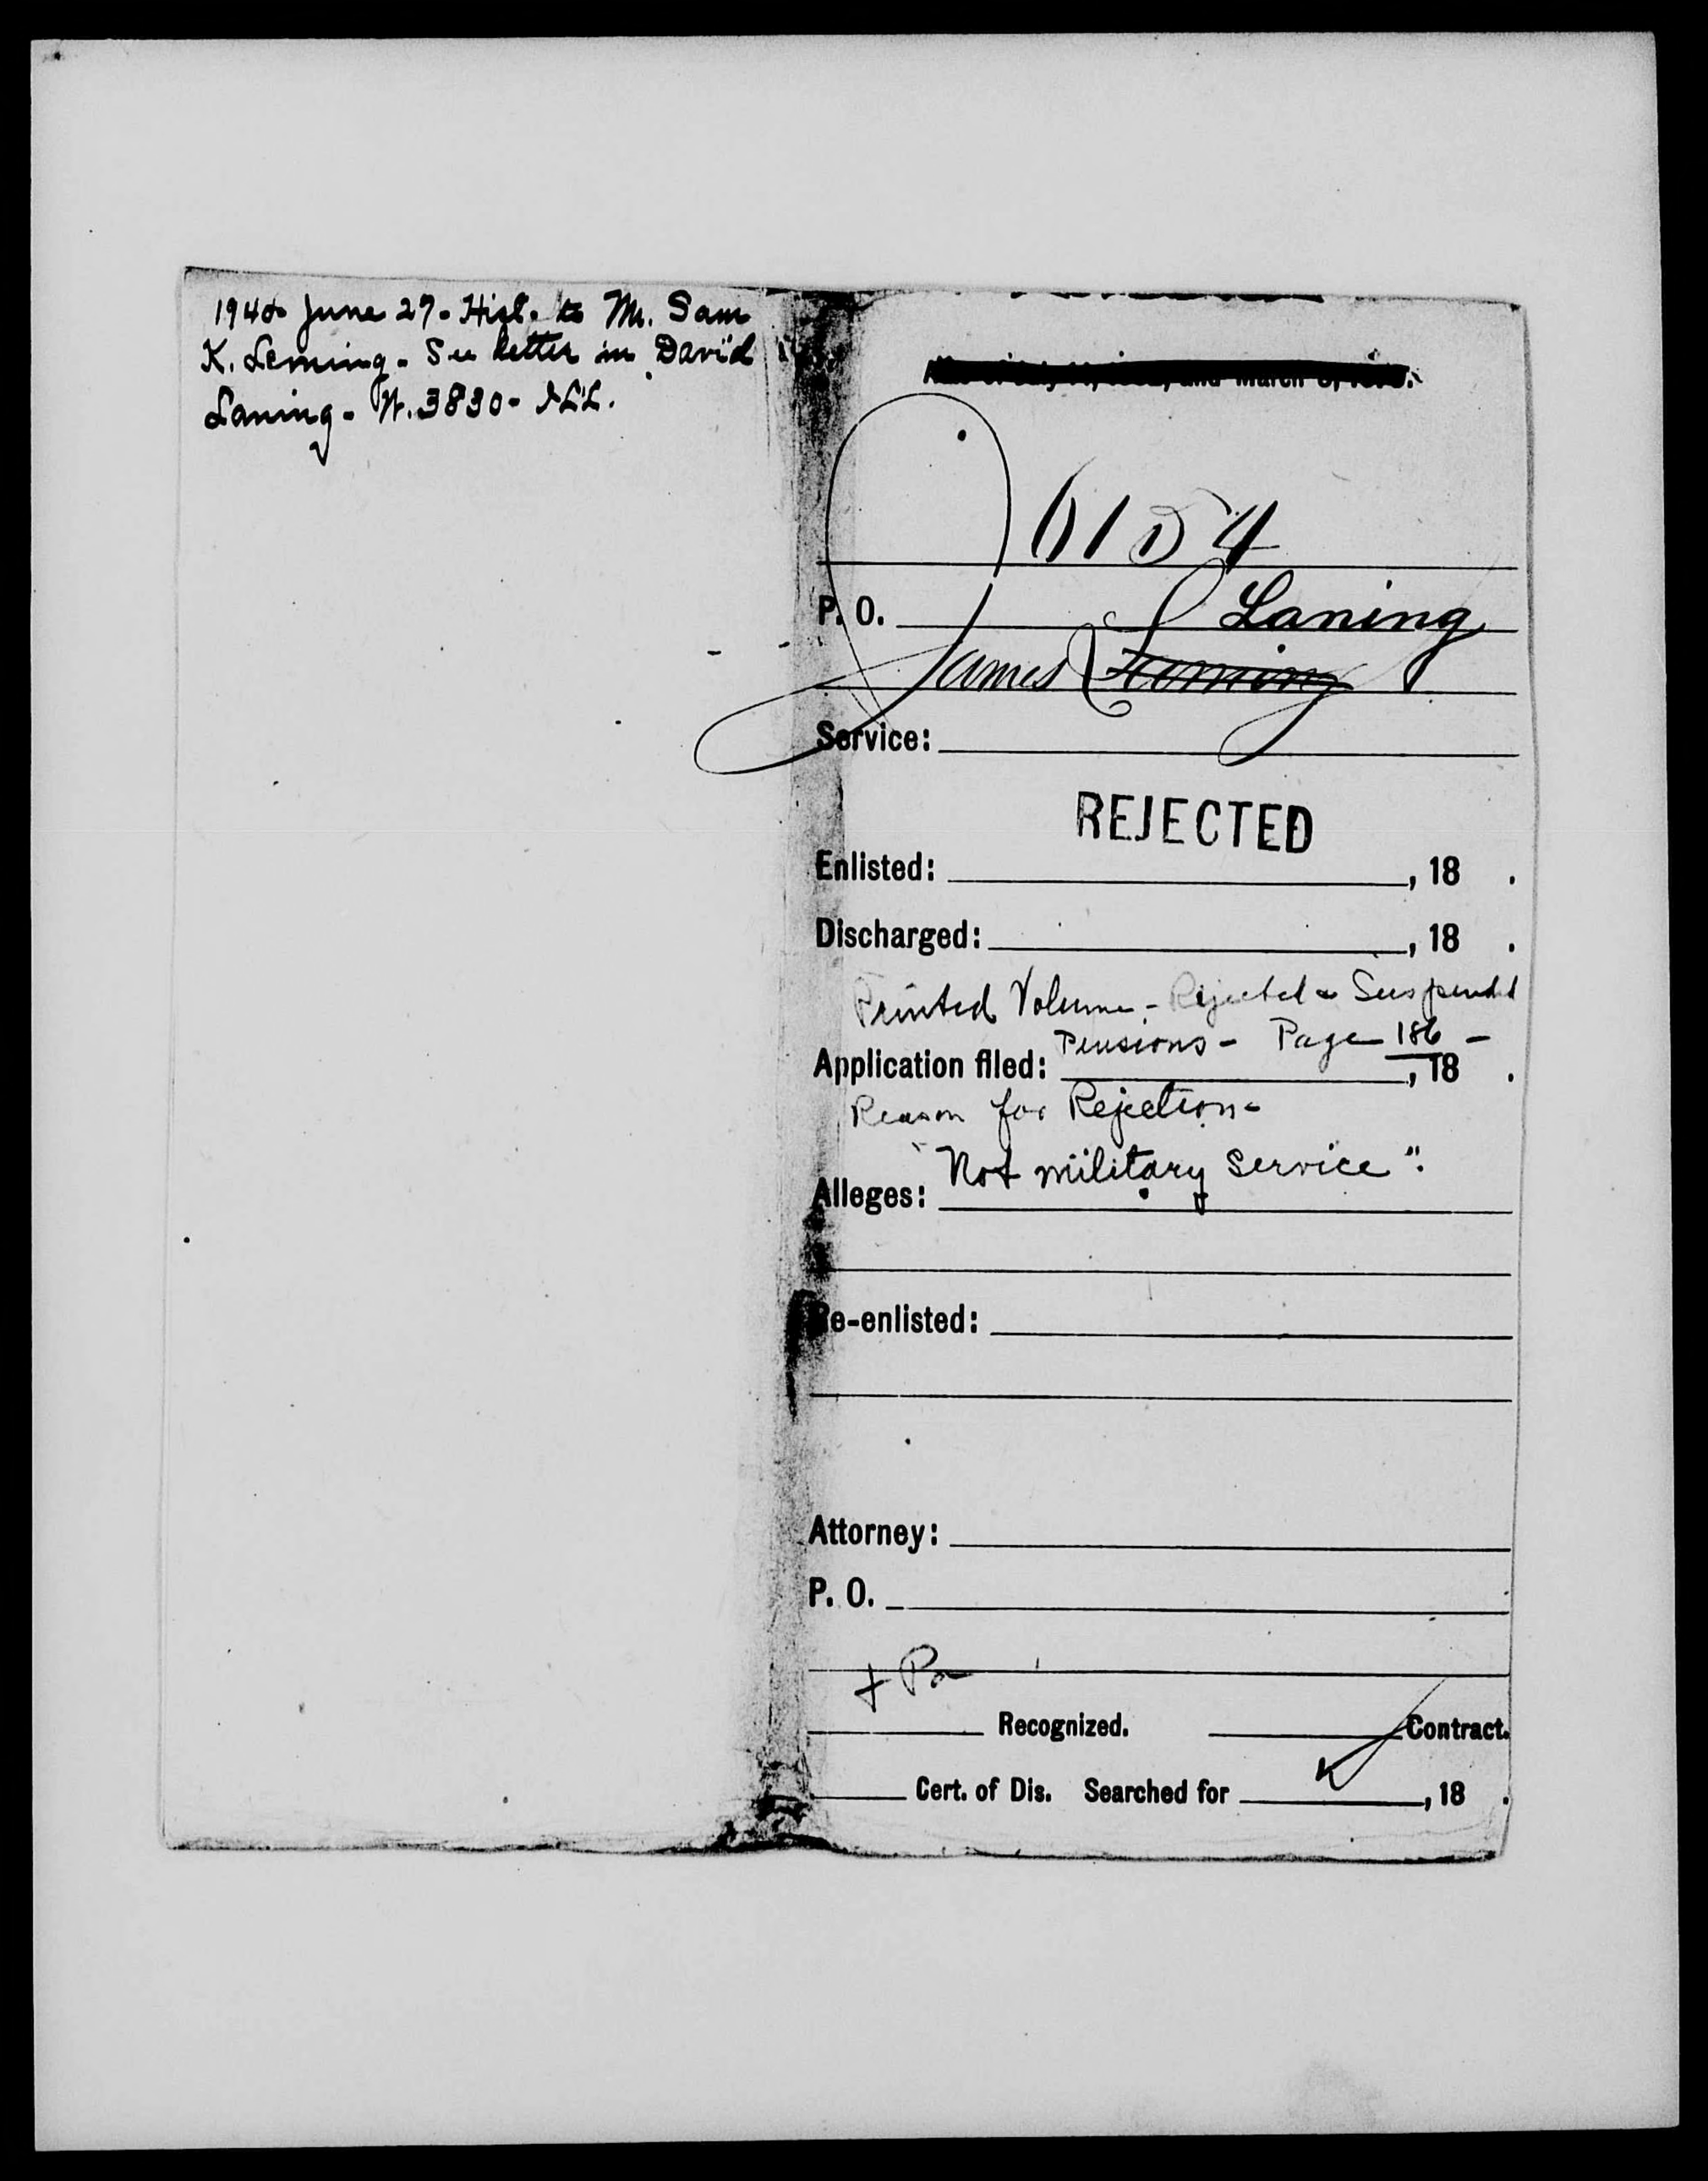1940- June 27 - Hist. to Mr. Sam K. Leming -
See letter in David Laning - W. 3830 - ILL.

6154
P. O. James Laning
Enlisted: REJECTED, 18__.
Discharged: _______, 18__.
Printed Volume - Rejected & Suspended
Pensions - Page 186 -
Application filed: _______, 18__.
Reason for Rejection - "Not military service".
Alleges:______________________________________
Re-enlisted: _________________________________
Attorney: ____________________________________
P. O. _________________________________________
+ Pa ___________Recognized.   _____Contract.
_______Cert. of Dis.  Searched for ___X____, 18__.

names: Sam K Leming; James Laning; David Laning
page: 14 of 39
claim: rejected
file: R. 6154, for James Laning, New Jersey